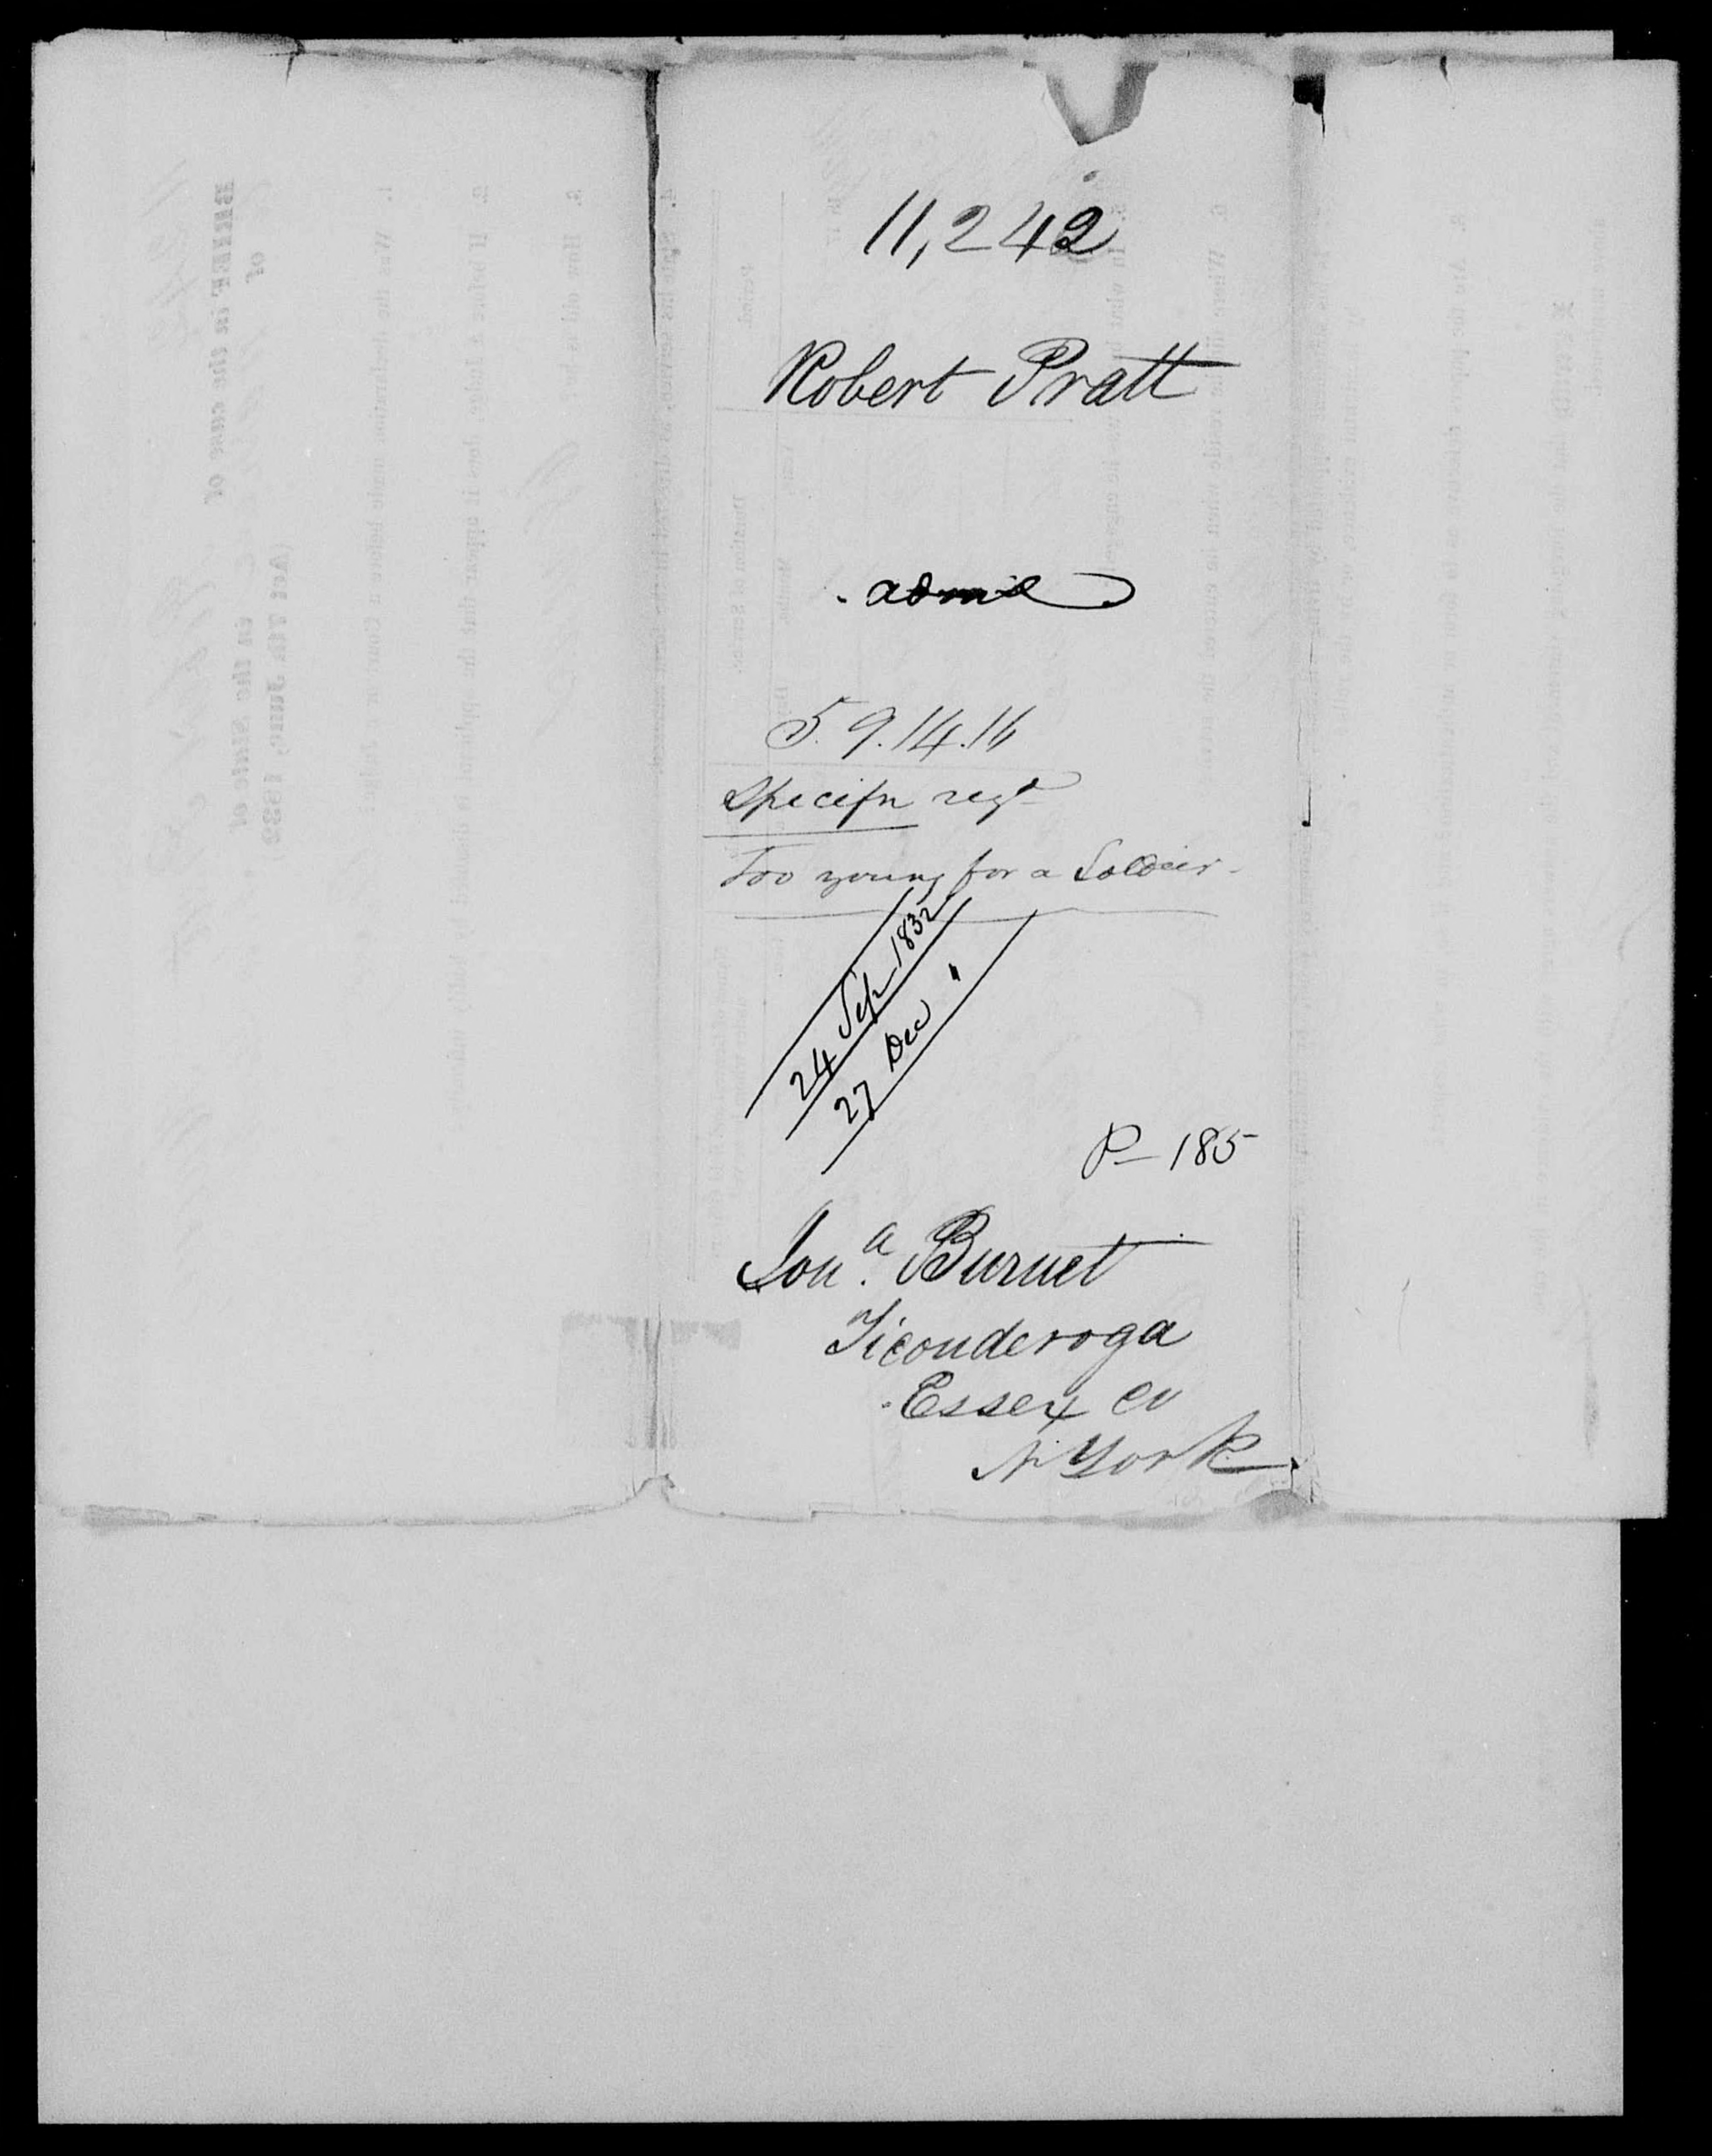11,242
Robert Pratt

Adm'd

59.14.16

Specific req'd
Too young for a Soldier

24 Sep 1832
27 Dec 1832

P 185

Jon a Burnet
Ticonderoga
Essex Co.
N York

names: Jona Burnet; Robert Pratt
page: 17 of 23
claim: survivor's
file: S. 14,229, for Robert Pratt, New York